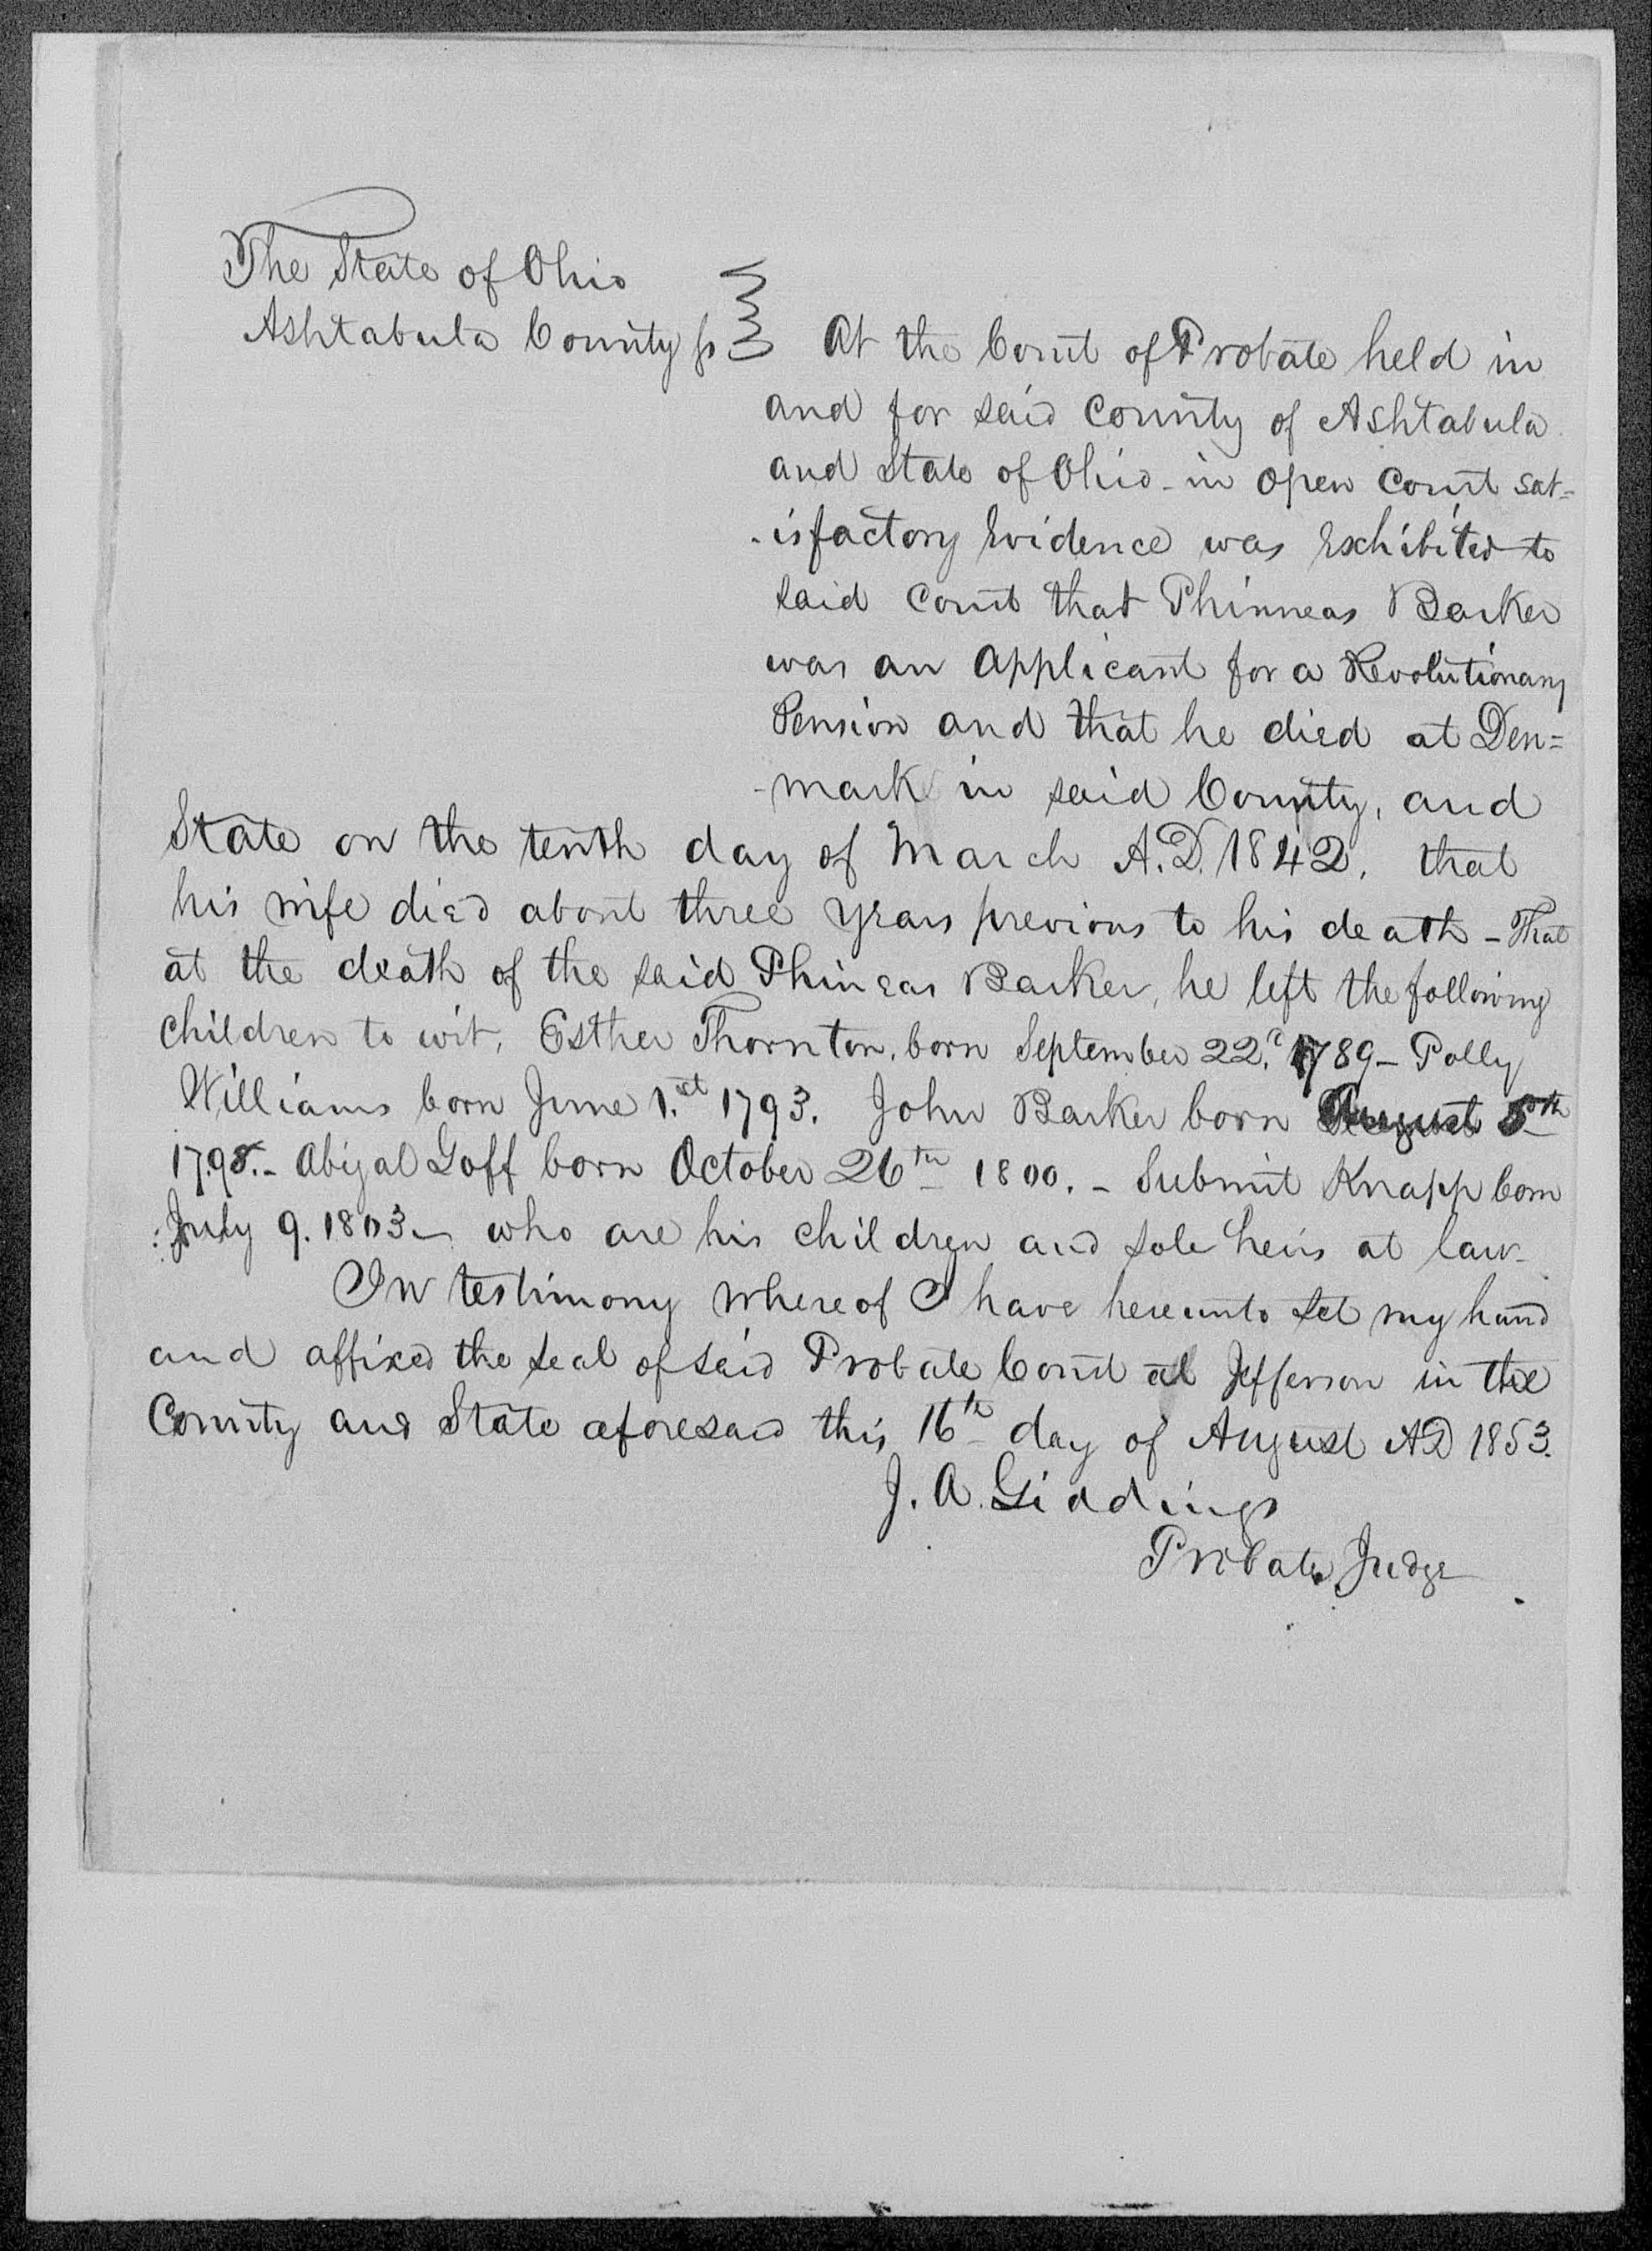The State of Ohio Ashtabula County ss } At the Court of Probate held in and for said County of Ashtabula and State of Ohio in open Court satisfactory evidence was exhibited to said Court that Phinneas Barker was an applicant for a Revolutionary Pension and that he died at Denmark in said County, and State on the tenth day of March AD 1842, that his wife died about three years previous to his death, That at the death of the said Phineas Parker, he left the following children to wit, Esther Thornton, born September 22, 1789,  Polly Williams born June 1st 1793, John Barker born August 5th 1798, Abigail Goff born October 26th 1800, Submit Knapp born July 9. 1803, who are his children and sole heirs at law.   
In testimony whereof I have hereunto set my hand and affixed the seal of said Probate Court at Jefferson in the County and State aforesaid this 16th day of August AD 1853. 
J. A. Giddings
Probate Judge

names: Phinneas Barker, Submit Knapp, J A Giddings, Abigal Goff, Phineas Barker, John Barker, Polly Williams, Esther Thornton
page: 10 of 35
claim: rejected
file: R. 501, Phineas Barker, Conn. Privateer